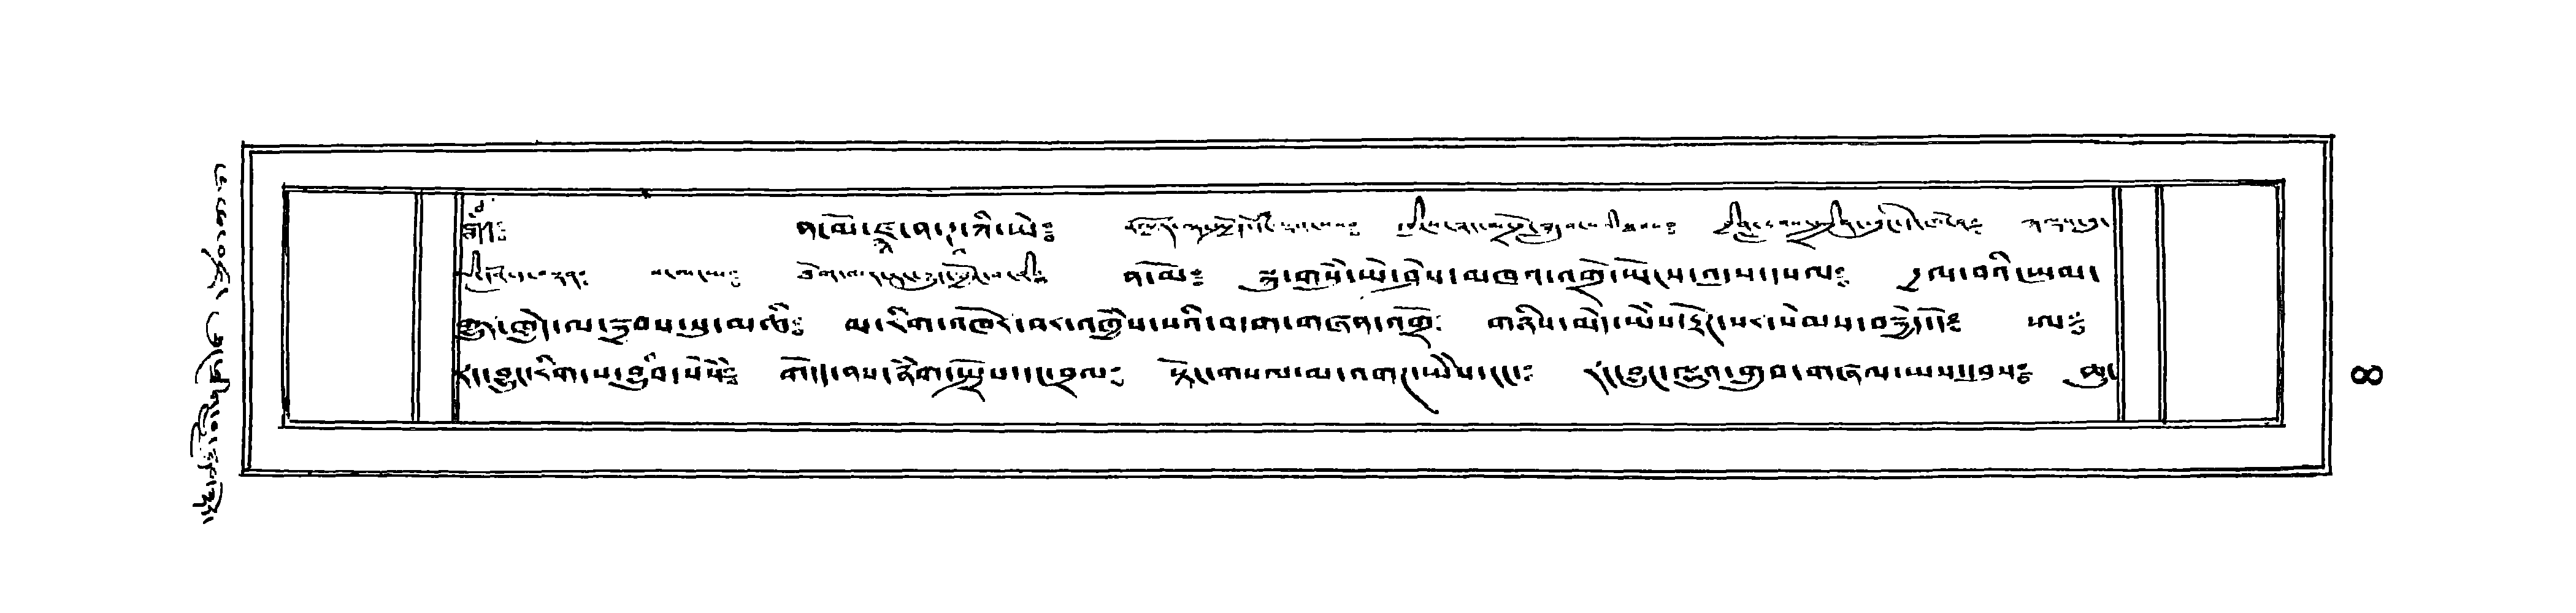ན་མོ་ཛྙཱ་ན་ཌཱ་ཀི་ཡེ༔ རྣལ་འབྱོར་ལྟ་སྤྱོད་དམ་ལྡན་པས༔ དབྱིངས་སྣང་མཁའ་འགྲོ་སྒྲུབ་པའི་ཐབས༔ བྱིན་རླབས་སྤྲིན་ཕུང་དེ་ཁོ་ན༔ སྐལ་ལྡན་བུ་
ཡི་དོན་དུ་བསྟན། ས་མ་ཡ༔ ཐོག་མར་རང་རྒྱུད་སྦྱོང་བ་ནི༔ ན་མོ༔ སྐུ་གསུམ་ཡེ་ཤེས་མཁའ་འགྲོ་ཡོངས་འདུས་དཔལ༔ རྒྱལ་བའི་ཡུམ་
གྱུར་ཁྱེད་ལ་སྐྱབས་སུ་མཆི༔ མ་རིག་འཁོར་བར་འཁྱམས་པའི་བདག་གཞན་འགྲོ༔ གཉིས་མེད་ཡེ་ཤེས་རྟོགས་པར་སེམས་བསྐྱེད་དོ༔ ཨཱཿ 
རང་བྱུང་རིག་པ་བྱང་ཆུབ་སེམས༔ གདོད་ནས་རྣམ་དག་སྤྲོས་དང་བྲལ༔ སྟོང་གསལ་མ་འགགས་ཡེ་ཤེས་ངང༔ རང་བྱུང་ལྷུན་གྲུབ་གཞལ་ཡས་དབུས༔ ཆུ་